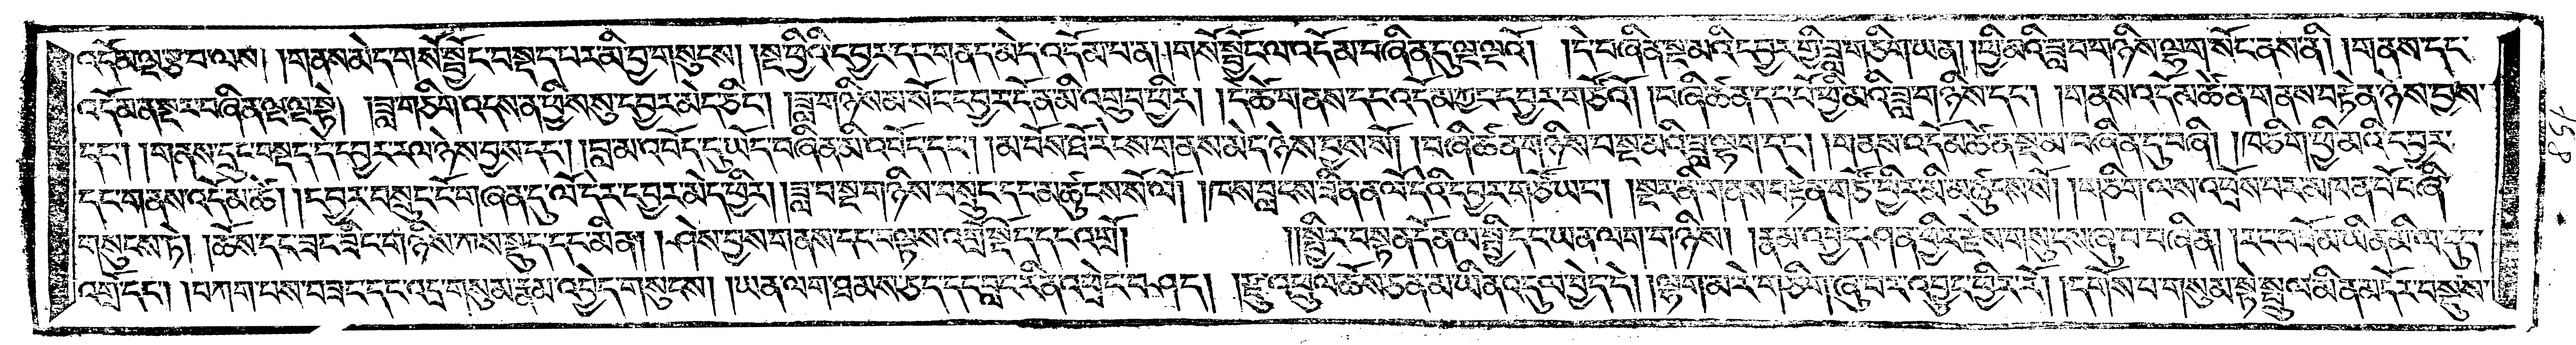འདོམ་ལྔ་རྩ་བ་ལས། །གནས་མེད་གསོ་སྦྱོང་བསྡད་པར་མི་བྱ་གསུངས། །སྔ་ཕྱིའི་དབྱར་དང་གནད་མེད་འདོམ་པ་ན། །གསོ་སྦྱོང་ལ་འདོམ་བཞིན་དུ་ལྔ་ལྔའོ། །དེ་བཞིན་སྔ་མའི་དབྱར་གྱི་ཟླ་གཅིག་ཡན། །ཕྱི་མའི་ཟླ་བ་གཉིས་ལྷག་སོང་ནས་ནི། །གནས་དང་
འདོམ་ན་སྔར་བཞིན་ལྔ་ལྔ་སྟེ། །ཟླ་གཅིག་འདས་ན་ཕྱིས་སུ་དབྱར་མེད་ཅིང་། །ཟླ་གཉིས་མ་སོང་དབྱར་དོན་མི་འགྲུབ་ཕྱིར། །དེ་ཚེ་གནས་དང་འདོམ་ཀྱང་དབྱར་གཙོའོ། །བཞི་ཚན་དང་པོ་ཕྱི་མའི་ཟླ་གཉིས་དང་། །གནས་འདོམ་ཚེ་ན་གནས་བརྟེན་ཉེས་བྱས་
དང་། །གནས་དྲུང་བསྡད་དེ་དབྱར་རལ་ཉེས་བྱས་དང་། །བླ་མ་འབོད་དུ་ཡོད་བཞིན་མི་འབོད་དང་། །མ་བོས་ཐོ་རེངས་གནས་མེད་ཉེས་བྱས་སོ། །བཞི་ཚན་གཉིས་པ་སྔ་མའི་ཟླ་ལྷག་དང་། །གནས་འདོམ་ཚེ་ན་སྔ་མ་བཞིན་དུ་བཞི། །ཁ་ཅིག་ཕྱི་མའི་དབྱར་
དང་གནས་འདོམ་ཚེ། །དབྱར་བསྲུང་ངོ་གཞན་དུ་ལོ་དེར་དབྱར་མེད་ཕྱིར། །ཟླ་བ་སྔ་གཉིས་བསྲུང་དང་མཚུངས་སོ་ལོ། །ཁས་བླངས་ཟིན་ན་ལོ་དེའི་དབྱར་གཙོ་ཡང་། །སྔར་ནི་གནས་བརྟེན་གཟོ་ཕྱིར་མི་མཚུངས་སོ། །གཅིག་ལས་འཕྲོས་པར་མཁན་པོ་བཞི་
གསུངས་ཏེ། །ཆོས་དང་ཟང་ཟིང་གཉིས་ཀས་སྡུད་དང་མིན། །ཤེས་བྱས་གནས་དང་བལྟས་འགྲོ་སྡོད་དང་འགྲོ། །།སྤྱིར་བསྟན་དོན་ལ་སྤྱི་དང་ཡང་ལག་གཉིས། །རྣམ་འབྱེད་ཤན་ཕྱིར་རྗེས་གསུངས་ཞུ་བ་བཞིན། །རང་བཟོ་མ་ཡིན་མི་ལ་དུད་
འགྲོ་དང་། །བཀག་པས་བཟང་དང་འདྲ་གསུམ་རྣམ་འབྱེད་གསུངས། །ཡན་ལག་ཐམས་ཅད་དང་བླང་རིན་འཕྲེང་བཤད། །རྫུ་འཕྲུལ་ཆོས་ཅན་མ་ཡིན་འདུལ་བྱེད་དེ། །ལྷག་མ་རེ་གཅིག་ཞུ་བར་འབྱུང་ཕྱིར་རོ། །དགོས་པ་གསུམ་སྟེ་སྤྲུལ་མིན་མདོར་བསྡུས་